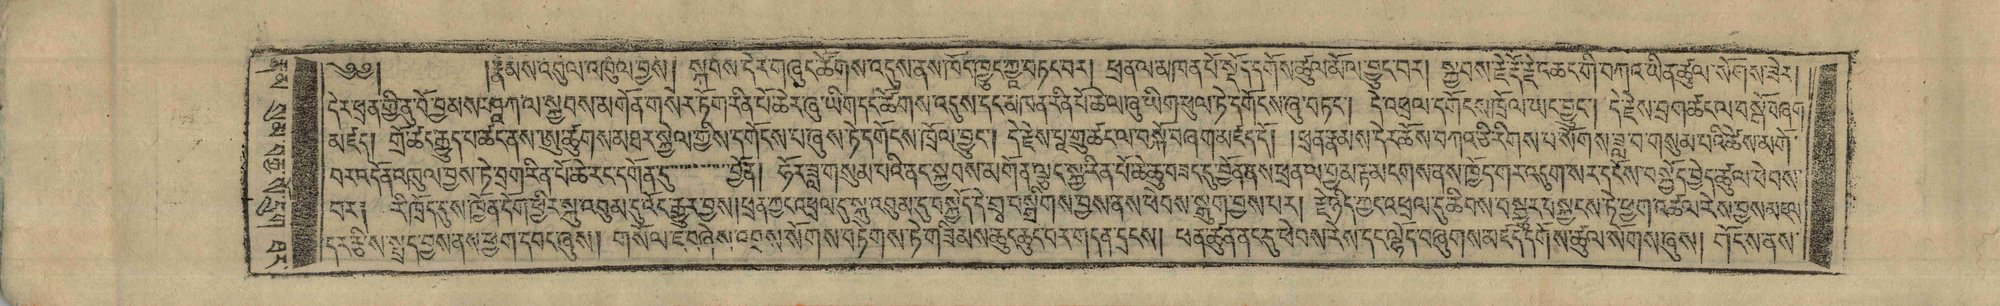༄༅། །རྣམས་འབུལ་འཁུལ་བྱས། སྐབས་དེར་གཞུང་ཚོགས་འདུས་ནས་ཁོང་ཁྱུང་ཀྱཱ་བཏང་བར། ཕྲན་ལ་མཁན་པོ་སྡོད་དགོས་ཚུལ་མོལ་བྱུང་བར། སྐྱབས་རྗེ་རྡོ་རྗེ་འཆང་གི་བཀའ་ཡིན་ཚུལ་སོགས་ཟེར། །
དེར་ཕྲན་གྱི་ནུ་བོ་བྱམས་ཤཱཀ་ལ་སྐྱབས་མགོན་གསེར་ཏོག་རིན་པོ་ཆེར་ཞུ་ཡིག་དང་ཚོགས་འདུས་དང་མཁན་རིན་པོ་ཆེ་ལ་ཞུ་ཡིག་ཕུལ་ཏེ་དགོངས་ཞུ་བཏང་། དེ་འཕྲལ་དགོངས་ཁྲོལ་ཡང་བྱུང་། དེ་རྗེས་བྲག་ཚང་ལ་བསྒོ་བཞག་
མཛད། གྲོ་ཚང་རྒྱུད་པ་ཚང་ནས་ཨུ་ཚུགས་མཐར་སྐྱེལ་གྱིས་དགོངས་པ་ཞུས་ཏེ་དགོངས་ཁྲོལ་བྱུང་། དེ་རྗེས་པཱ་གྲུ་ཚང་ལ་བསྐོ་བཞག་མཛད་དོ། །ཕྲན་རྣམས་དེར་ཆོས་བཀའ་ཅི་རིགས་པ་སོགས་ཟླ་བ་གསུམ་པའི་ཚེས་མགོ་
བར་འདོན་འཁུལ་བྱས་ཏེ་བྲག་རིན་པོ་ཆེ་རང་དགོན་དུ་བྱོན། ཧོར་ཟླ་གསུམ་པའི་ནང་སྐྱབས་མགོན་ལྕང་སྐྱ་རིན་པོ་ཆེ་ཆུ་བཟང་དུ་བྱོན་ནས་ཕྲན་ལ་བྱ་མ་རྟ་མངགས་ནས་ཁྱོད་གར་འདུག་སར་དངོས་བསྐྱོད་བྱེད་ཚུལ་ཕེབས་
བར། རི་ཁྲོད་དུས་ཁྱོན་དོག་ཕྱིར་སྐུ་འབུམ་དུ་འོང་རྒྱུར་བྱས། ཕྲན་ཀྱང་འཕྲལ་དུ་སྐུ་འབུམ་དུ་བསྐྱོད་དེ་གྲྭ་བསྒྲིགས་བྱས་ནས་ཕེབས་སྒུག་བྱས་པར། རྗེ་ཉིད་ཀྱང་འཕྲལ་དུ་ཆིབས་བསྒྱུར་བསྐྱངས་ཏེ་ཕྱག་འཚལ་རེས་བྱས་མཇལ་
དར་རྩིས་སྤྲད་བྱས་ནས་ཕྱག་དབང་ཞུས། གསོལ་ཇ་བཞེས་འབྲས་སོགས་བཏེགས་ཏེ་གཟིམས་ཆུང་ཆུང་བར་གདན་དྲངས། ཕན་ཚུན་ནང་དུ་ཕེབས་རེས་དང་ལྷོད་བཞུགས་མཛད་དགོས་ཚུལ་སོགས་ཞུས། གོང་ས་ནས་ནས་